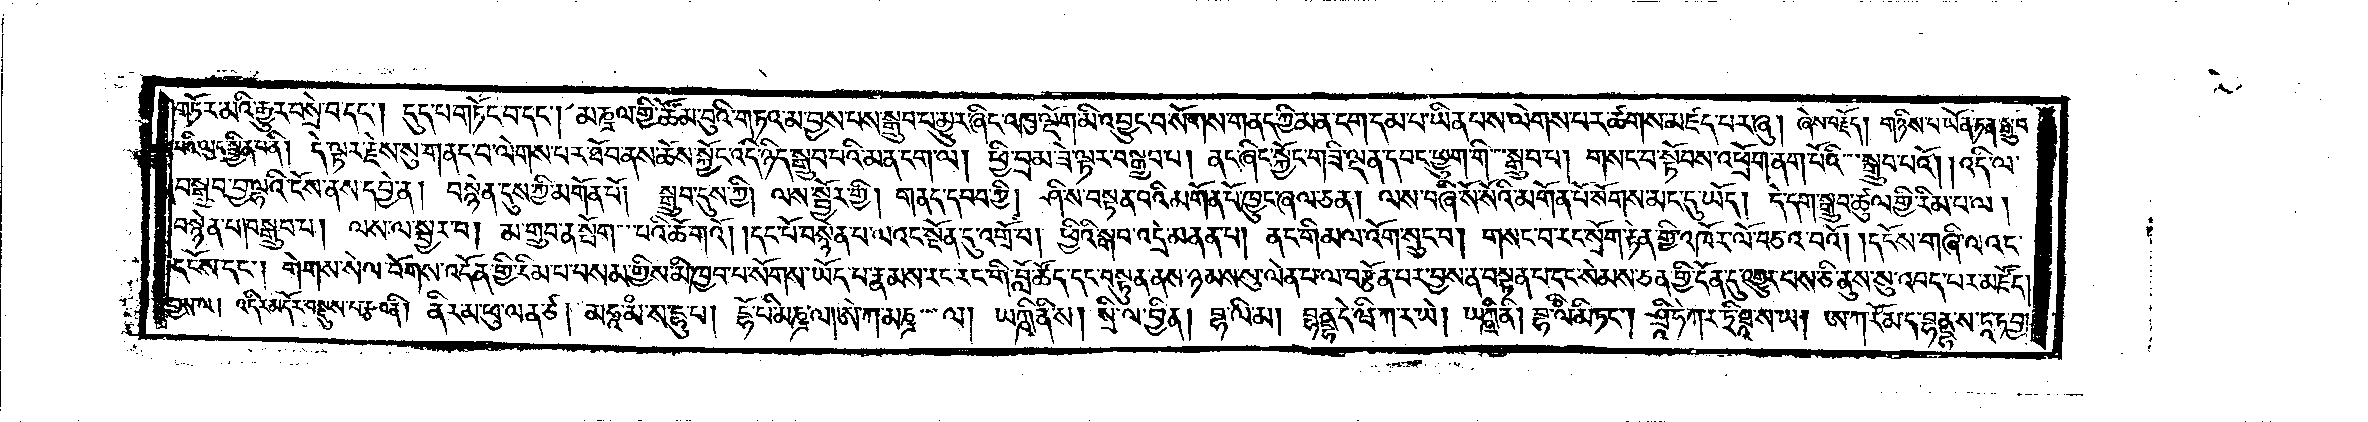གཏོར་མའི་རྒྱུར་བསྲེ་བ་དས། དུད་པ་གཏོང་བ་དང་། མཎྜལ་གྱི་ཚོམ་བུའི་གཏའ་མ་བྱས་པས་སྒྲུབ་པ་མྱུར་ཞིང་འཁུ་ལྡོག་མི་འབྱུང་བ་སོགས་གནད་ཀྱི་མན་ངག་དམ་པ་ཡིན་པས་ལེགས་པར་ཚགས་མཛད་པར་ཞུ། ཞེས་བརྗོད། གཉིས་པ་ཡོན་ཏན་སྒྲུབ་
པའི་ལུང་སྦྱིན་པ་ནི། དེ་ལྟར་རྗེས་སུ་གནང་བ་ལེགས་པར་ཐོབ་ནས་ཆོས་སྐྱོང་འདི་ཉིད་སྒྲུབ་པའི་མན་ངག་ལ། ཕྱི་པྲམ་ཟེ་ལྟར་བསྒྲུབ་པ། ནང་ཞིང་སྐྱོང་གཟི་ལྡན་དབང་ཕྱུག་གི་སྒྲུབ་པ། གསང་བ་སྟོབས་འཕྲོག་ནག་པོའི་སྒྲུབ་པའོ། །འདི་ལ་
བསྒྲུབ་བྱ་ལྷའི་ངོས་ནས་དབྱེ་ན། བསྙེན་དུས་ཀྱི་མགོན་པོ། སྒྲུབ་དུས་ཀྱི། ལས་སྦྱོར་གྱི། གནད་དབབ་ཀྱི། ཤི་ས་བསྟན་པའི་མགོན་པོ་ཁྱུང་ཞལ་ཅན། ལས་བཞི་སོ་སོའི་མགོན་པོ་སོགས་མང་དུ་ཡོད། དེ་དག་སྒྲུབ་ཚུལ་གྱི་རིམ་པ་ལ།
བསྙེན་པ་བསྒྲུབ་པ། ལས་ལ་སྦྱར་བ། མ་གྲུབ་ན་སྤོག་པའི་ཆོ་གའོ། །དང་པོ་བསྙེན་པ་ལའང་སྔོན་དུ་འགྲོ་བ། ཕྱིའི་སྒབ་འདྲེ་མནན་པ། ནང་གི་མལ་འོག་སྲུང་བ། གསང་བ་རང་སྲོག་རྟེན་གྱི་འཁོར་ལོ་བཅའ་བའོ། །དངོས་གཞི་ལའང་
དངོས་དང་། གེགས་སེལ་བོགས་འདོན་གྱི་རིམ་པ་བསམ་གྱིས་མི་ཁྱབ་པ་སོགས་ཡོད་པ་རྣམས་རང་རང་གི་བློ་ཚོད་དང་བསྟུན་ནས་ཉམས་སུ་ལེན་པ་ལ་བརྩོན་པར་བྱས་ན་བསུན་པ་དང་སེམས་ཅན་གྱི་དོན་དུ་འགྱུར་པས་ཅི་ནུས་སུ་འབད་པར་མཛོད།
བྱས་ལ། འདིར་མདོར་བསྡུས་པ་རྩ་བ་ནི།  ནི་རམ་ཕུ་ལན་ཙ། མཧཱ་མཾ་ས་དྷུ་པ། དྷོ་པི་མཎྜལ་ལ། ཨེ་ཀ་མཎྜ་ལ། ཡཀྵི་ནི་ས། སྲི་ལ་བྱིན། བྷ་ལི་མ། བྷནྡ་དེ་ཝི་ཀ་ར་ཡེ། ཡཀྐྲི་ནི། བྷ་ལིཾ་མི་ཏང་། ཤྲཱི་ཧེ་ཀ་ར་ཐཱ་ས་ཡ། ཨ་ཀ་རོ་མད་བྷནྡྷ་ས་ཏཱ་ཏ་བྱ།